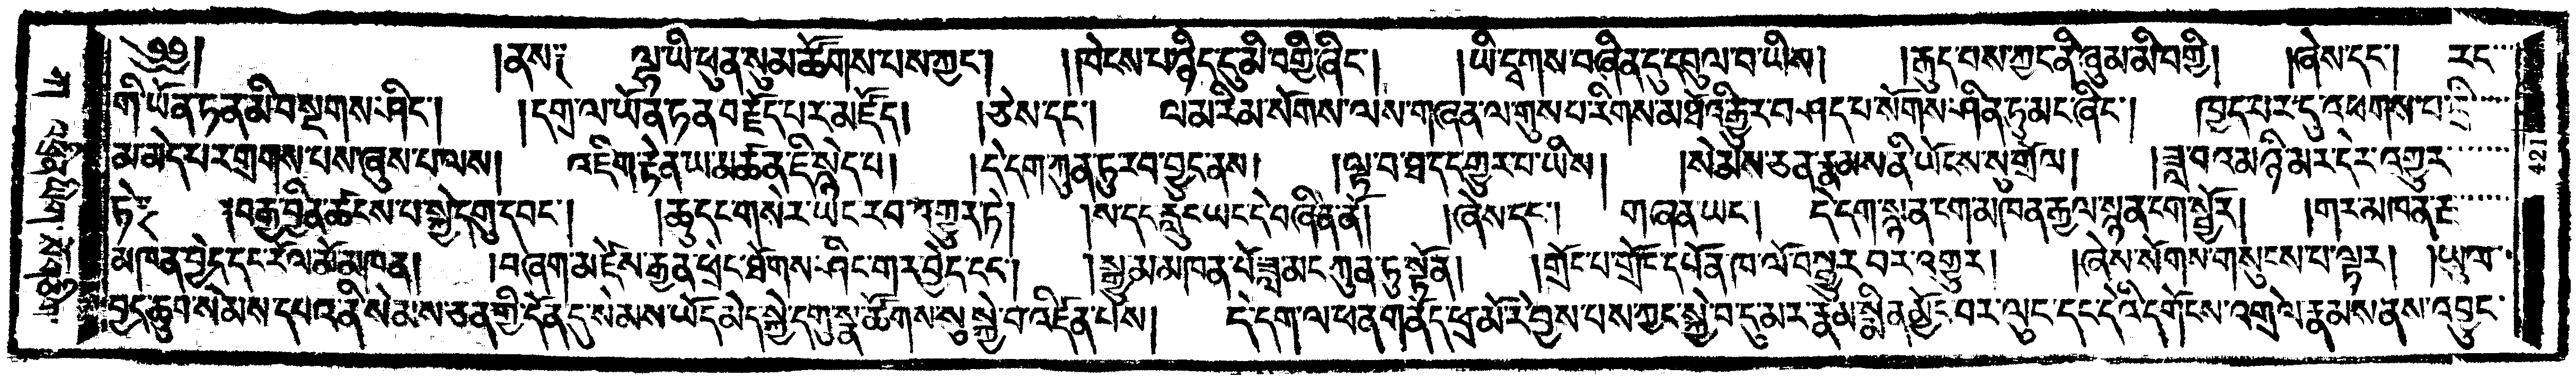༄༅། །ནས། ལྷ་ཡི་ཕུན་སུམ་ཚོགས་པས་ཀྱང་། །ཁེངས་པ་ཉིད་དུ་མི་བགྱི་ཞིང་། །ཡི་དྭགས་བཞིན་དུ་དབུལ་བ་ཡིས། །རྒུད་བས་ཀྱང་ནི་ཞུམ་མི་བགྱི། །ཞེས་དང་། རང་
གི་ཡོན་ཏན་མི་བསྔགས་ཤིང་། །དགྲ་ལ་ཡོན་ཏན་བརྗོད་པར་མཛོད། །ཅེས་དང་། ལམ་རིམ་སོགས་ལས་གཞན་ལ་གུས་པ་རིགས་མཐོའི་རྒྱུར་བཤད་པ་སོགས་ཤིན་ཏུ་མང་ཞིང་། ཁྱད་པར་དུ་འཕགས་པ་དྲི་
མ་མེད་པར་གྲགས་པས་ཞུས་པ་ལས། འཇིག་རྟེན་ཡ་མཚན་ཇི་སྙེད་པ། །དེ་དག་ཀུན་ཏུ་རབ་བྱུང་ནས། །ལྟ་བ་ཐ་དང་གྱུར་བ་ཡིས། །སེམས་ཅན་རྣམས་ནི་ཡོངས་སུ་གྲོལ། །ཟླ་བའམ་ཉི་མར་དེར་འགྱུར་
ཏེ། །བརྒྱ་བྱིན་ཚངས་པ་སྐྱེ་དགུ་དབང་། །ཆུ་དང་གསེར་ཡང་རབ་འགྱུར་ཏེ། །ས་དང་རླུང་ཡང་དེ་བཞིན་ནོ། །ཞེས་དང་། གཞན་ཡང་། དེ་དག་སྙན་ངག་མཁན་རྒྱལ་སྙན་ངག་སྦྱོར། །གར་མཁན་རྔ་
མཁན་བྱེད་དང་རོལ་མོ་མཁན། །བཞག་མཛེས་རྒྱན་ཕྲེང་ཐོགས་ཤིང་གར་བྱེད་དང་། །སྒྱུ་མ་མཁན་པོ་ཟླ་མང་ཀུན་ཏུ་སྟོན། །གྲོང་པ་གྲོང་དཔོན་ཁ་ལོ་བསྒྱུར་བར་འགྱུར། །ཞེས་སོགས་གསུངས་པ་ལྟར། །ཡུལ་
བྱང་ཆུབ་སེམས་དཔའ་ནི་སེམས་ཅན་གྱི་དོན་དུ་སེམས་ཡོད་མེད་སྐྱེ་དགུ་སྣ་ཚོགས་སུ་སྐྱེ་བ་འཛིན་པས། དེ་དག་ལ་ཕན་གནོད་ཕྲ་མོར་བྱེས་པས་ཀྱང་སྐྱེ་བ་དུ་མར་རྣམ་སྨིན་མྱོང་བར་ལུང་དང་དེའི་དགོངས་འགྲེལ་རྣམས་ནས་འབྱུང་